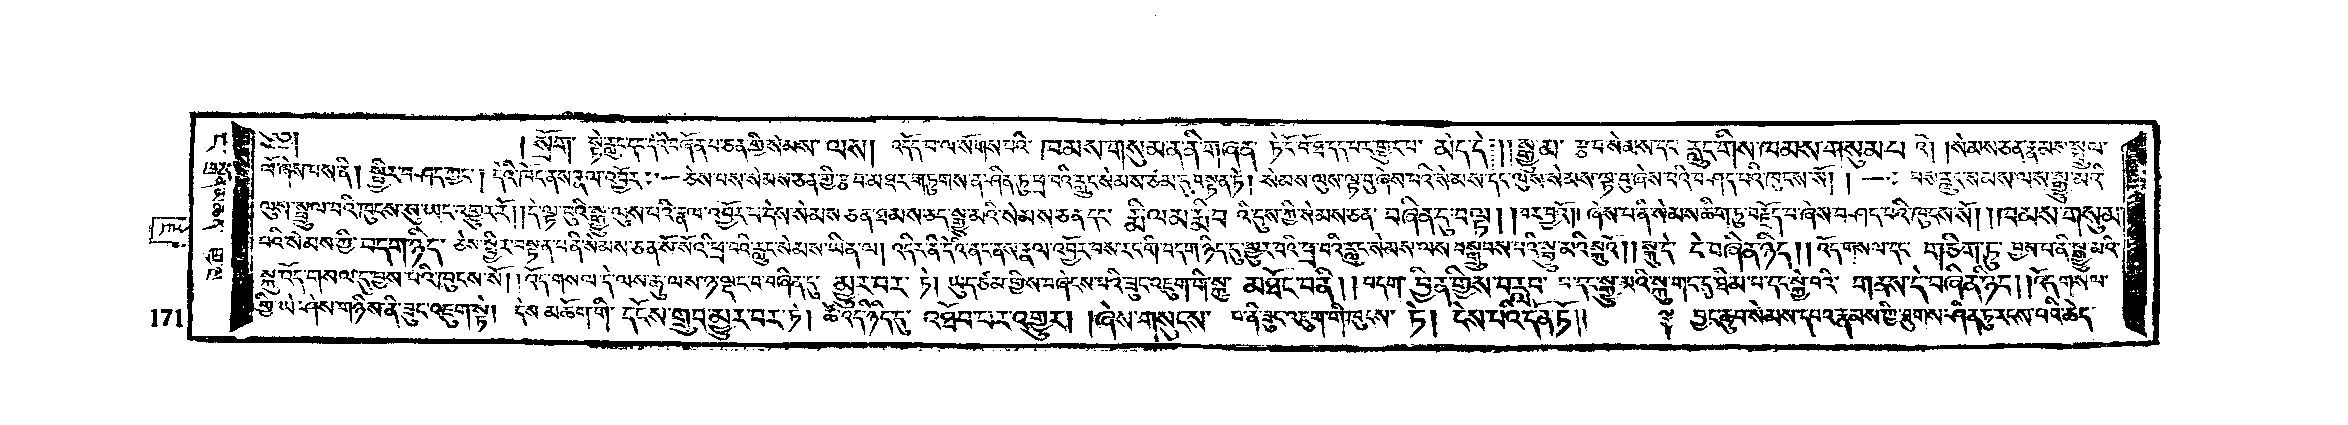༄༅། །སྲོག་སྟེ་རླུང་དང་དེའི་བཞོན་པ་ཅན་གྱི་སེམས་ལས། འདོད་པ་ལ་སོགས་པའི་ཁམས་གསུམ་ན་ནི་གཞན་ཏེ་ངོ་བོ་ཐ་དད་པར་གྱུར་པ་མེད་དེ། །སྒྱུ་མ་རྩ་བ་སེམས་དང་རླུང་གིས་ཁམས་གསུམ་པའི། །སེམས་ཅན་རྣམས་སྤྲུལ་
ལོ་ཞེས་པས་ནི། སྤྱིར་བཤད་ཀྱང་། དེའི་ཁོང་ནས་རྣལ་འབྱོར་H.་ཅེས་པས་སེམས་ཅན་གྱི་རྩ་བ་མཐར་གཏུགས་ན་ཤིན་ཏུ་ཕྲ་བའི་རླུང་སེམས་ཅན་དུ་བསྟན་ཏེ། སེམས་ལུས་ལྟ་བུ་ཞེས་པའི་སེམས་དང་ལུས་སེམས་ལྟ་བུ་ཞེས་པའི་བཤད་པའི་ཁུངས་སོ། །.H པས་རླུང་སེམས་ལས་སྒྱུ་མའི་
ལུས་སྤྲུལ་བའི་ཁུངས་སུ་ཡང་འགྱུར་རོ། །དེ་ལྟ་བུའི་སྒྱུ་ལུས་པའི་རྣལ་འབྱོར་པ་དེས་སེམས་ཅན་ཐམས་ཅད་སྒྱུ་མའི་སེམས་ཅན་དང་རྨི་ལམ་རྨི་བའི་དུས་ཀྱི་སེམས་ཅན་བཞིན་དུ་བལྟ། ། བར་བྱའོ། །ཞེས་པ་ནི་སེམས་ཚིག་ཏུ་བརྗོད་པ་ཞེས་བཤད་པའི་ཁུངས་སོ། །ཁམས་གསུམ་
པའི་སེམས་ཀྱི་བདག་ཉིད་ཅེས་སྤྱིར་བསྟན་པ་ནི་སེམས་ཅན་སོ་སོའི་ཕྲ་བའི་རླུང་སེམས་ཡིན་ལ། འདིར་ནི་དེའི་ནང་ནས་རྣལ་འབྱོར་བས་རང་གི་བདག་ཉིད་དུ་གྱུར་བའི་ཕྲ་བའི་རླུང་སེམས་ལས་བསྒྲུབས་པའི་སྒྱུ་མའི་སྐུའོ། །སྐུ་དེ་དེ་བཞིན་ཉིད། ། འོད་གསལ་དང་གཅིག་ཏུ་བྱས་པ་ནི་སྒྱུ་མའི་
སྐུ་འོད་གསལ་དུ་བྱས་པའི་ཁུངས་སོ། །འོད་གསལ་དེ་ལས་ཆུ་ལས་ཉ་ལྡང་བ་བཞིན་དུ་མྱུར་བར་ཏེ། ཡུད་ཙམ་གྱིས་བཞེངས་པའི་ཟུང་འཇུག་གི་སྐུ་མཐོང་བ་ནི། ། བདག་བྱིན་གྱིས་བརླབ་པ་དང་སྒྱུ་མའི་སྐུ་གང་དུ་ཐིམ་པ་དང་སྐྱེ་བའི་གནས་དེ་བཞིན་ཉིད། །འོད་གསལ་
གྱི་ཡེ་ཤེས་གཉིས་ནི་ཟུང་འཇུག་སྟེ། དེས་མཆོག་གི་དངོས་གྲུབ་མྱུར་བར་ཏེ། ཚེ་འདི་ཉིད་དུ་འཐོབ་པར་འགྱུར། །ཞེས་གསུངས་པ་ནི་ཟུང་འཇུག་གི་ཁུངས་ཏེ། ངེས་པའི་དོན་ཏོ།། ༈ བྱང་ཆུབ་སེམས་དཔའ་རྣམས་ཀྱི་ཐུགས་ཤིན་ཏུ་རངས་པའི་ཆེད་